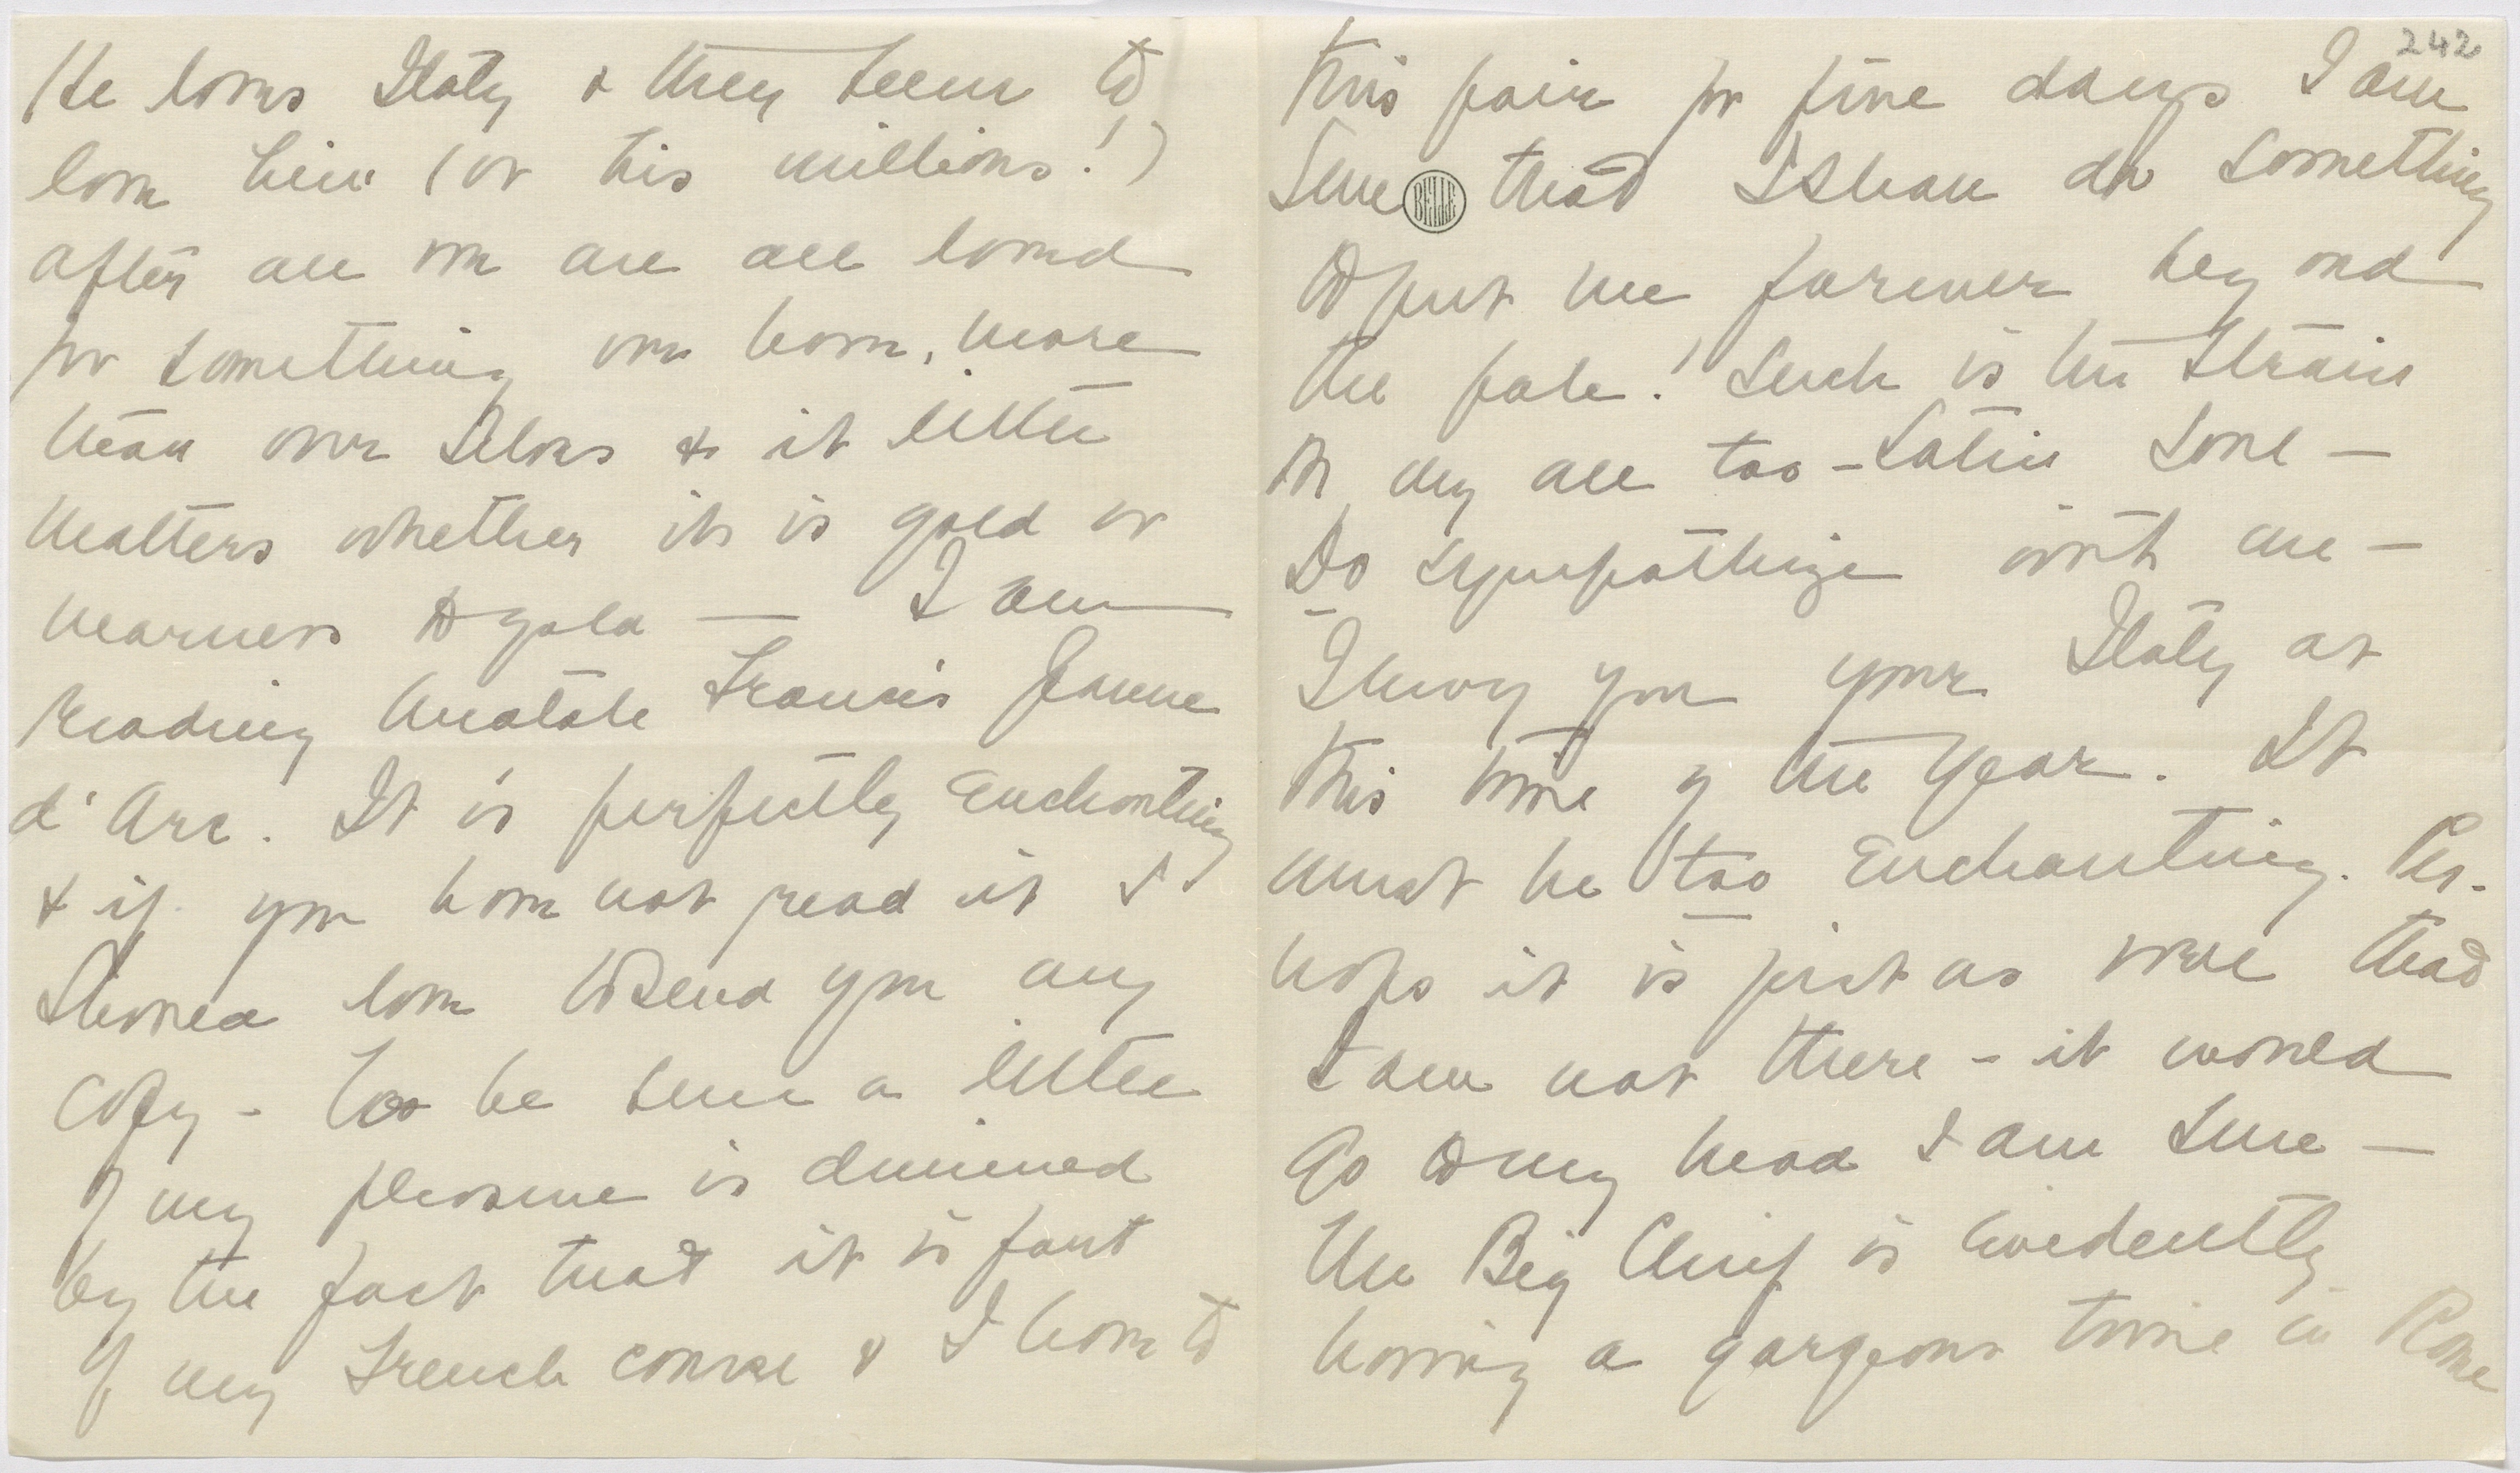this pair for five days I am sure that I shall do something to put me forever beyond the pale! Such is the strain on my all too-Latin soul – Do sympathize with me – I envy you your Italy at this time of the year. It must be too enchanting. Perhaps it is just as well that I am not there – it would go to my head I am sure – The Big Chief is evidently having a gorgeous time in Rome
He loves Italy & they seem to love him (or his millions!) after all we are all loved for something we have, more than our selves & it little matters whether it is gold or nearness to gold – I am reading Anatole France’s Jeanne d’Arc. It is perfectly enchanting & if you have not read it I should love to send you my copy – Too [sic] be sure a little of my pleasure is dimmed by the fact that it is part of my French course & I have to